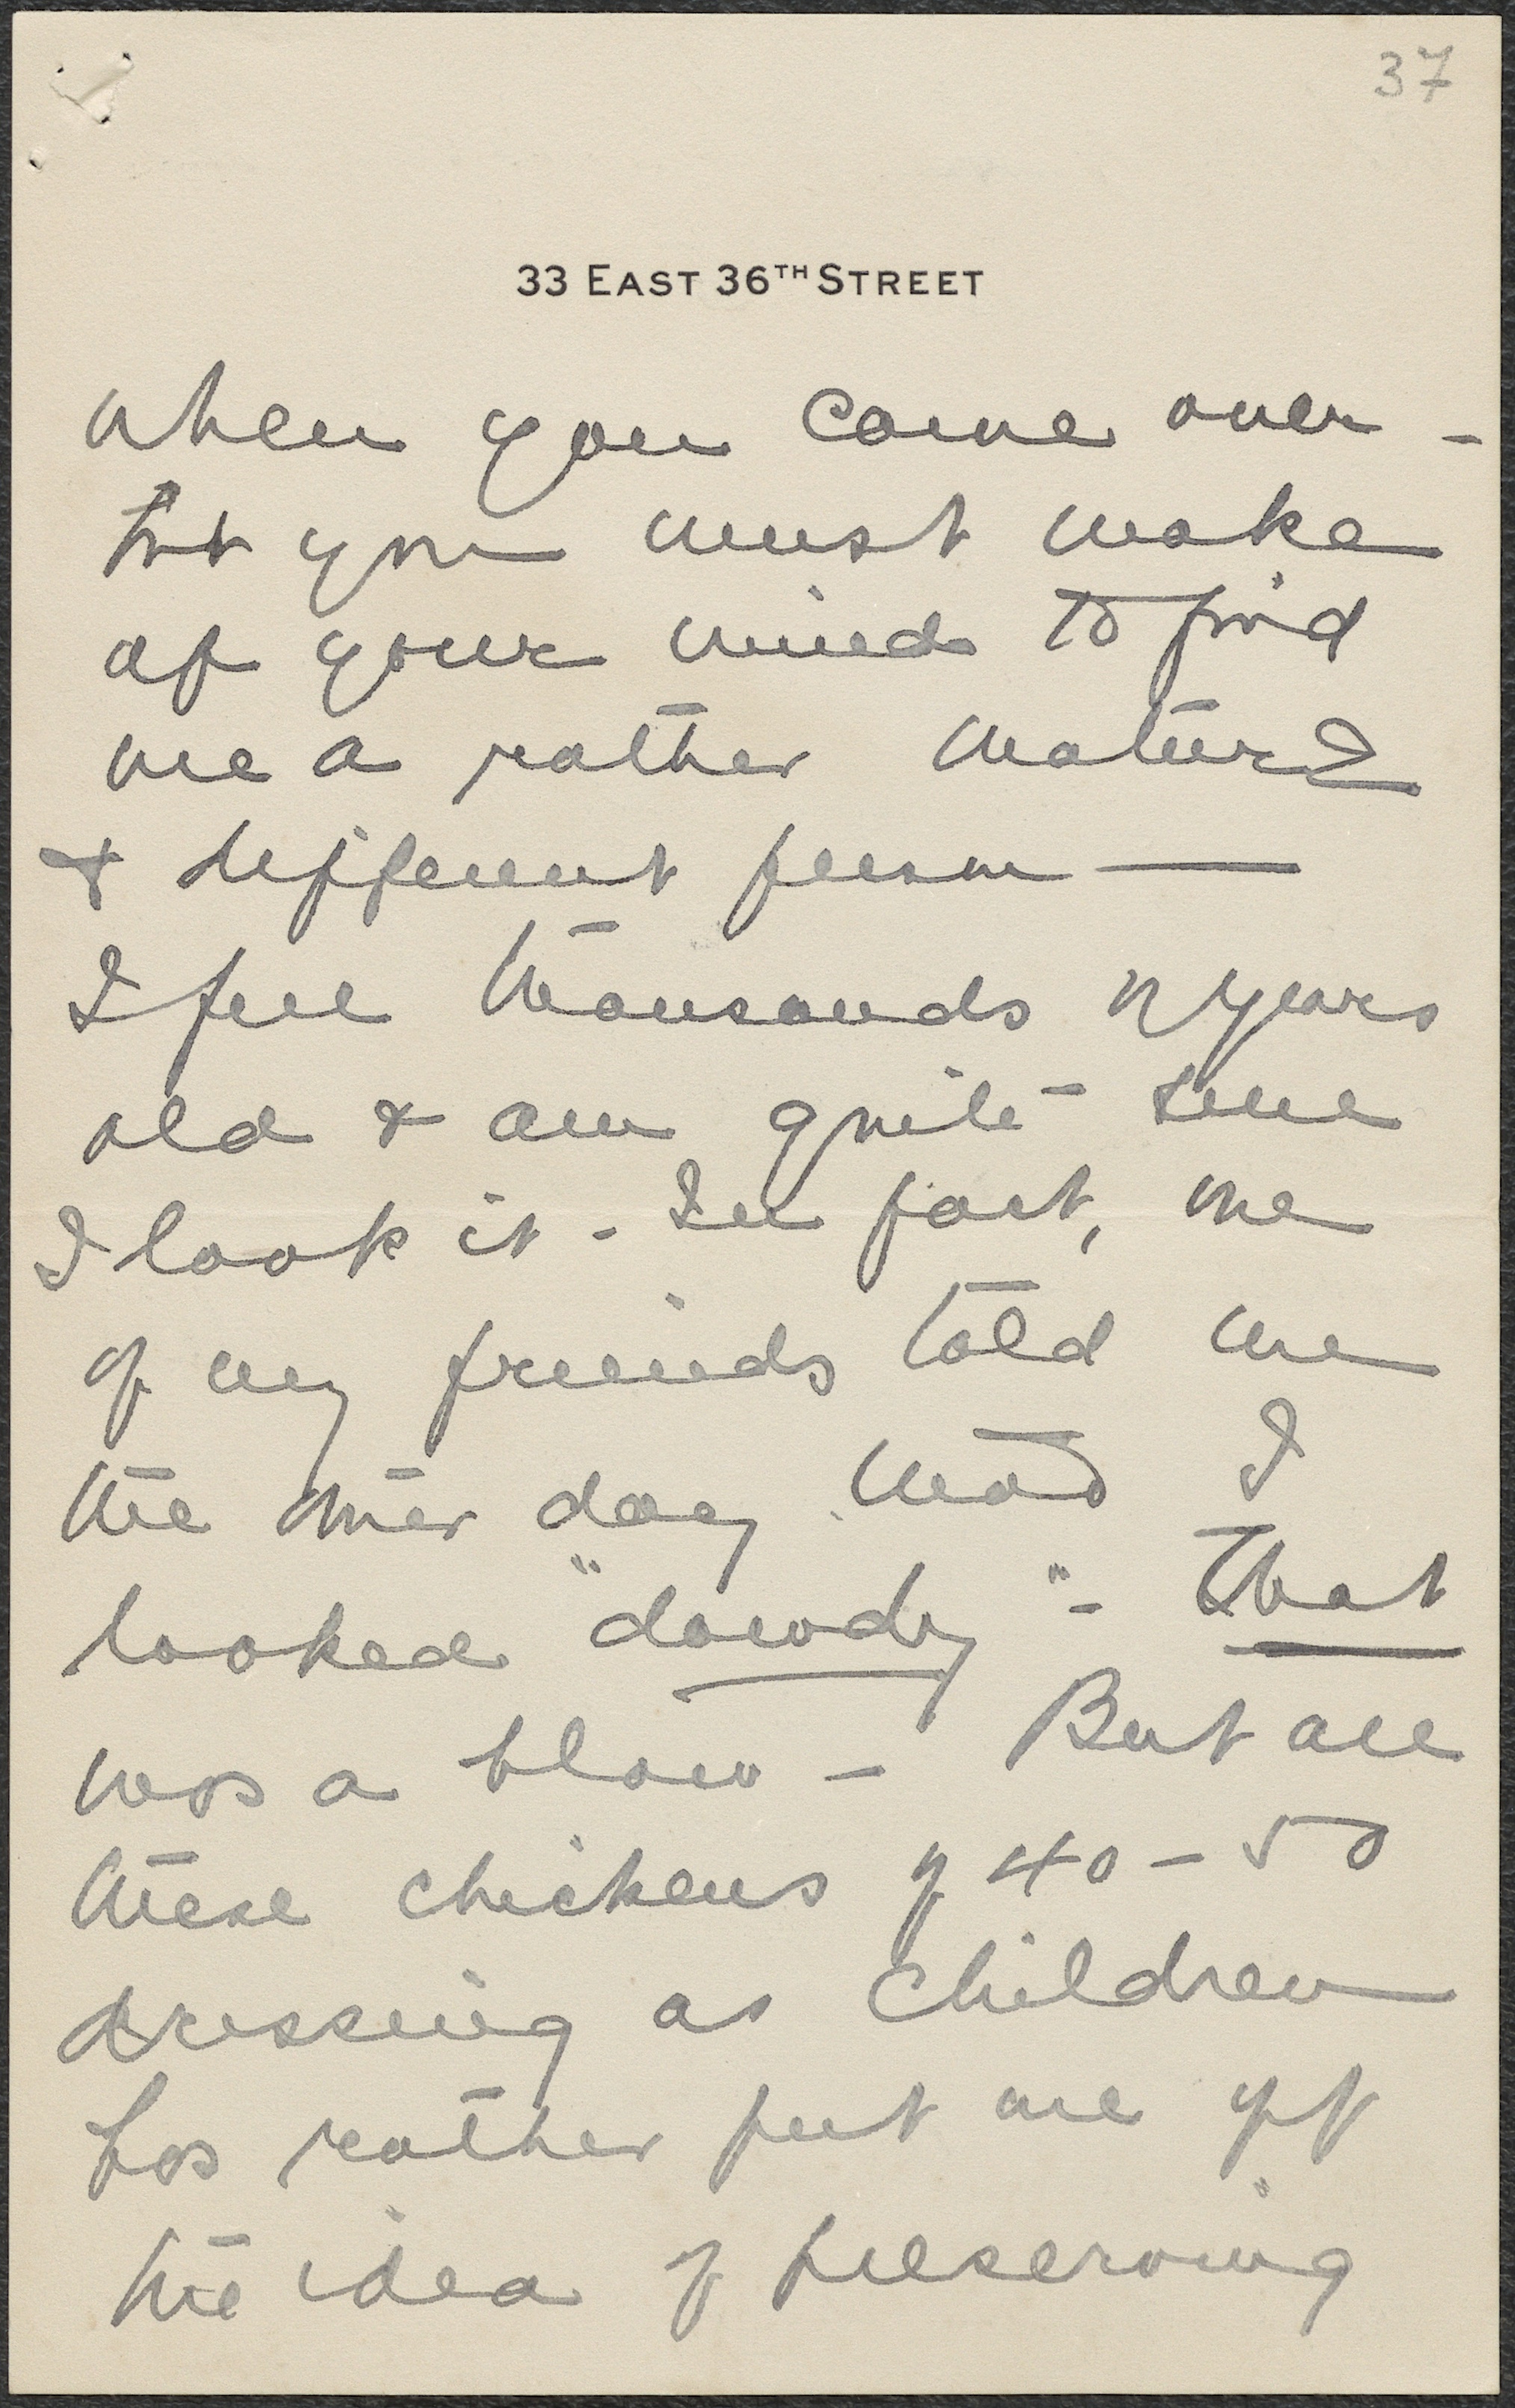when you come over – but you must make up your mind to find me a rather mature & different person –
I feel thousands of years old & am quite sure I look it. In fact, one of my friends told me the other day that I looked "dowdy" – That was a blow – But all these chickens of 40–50 dressing as children has rather put me off the idea of preserving